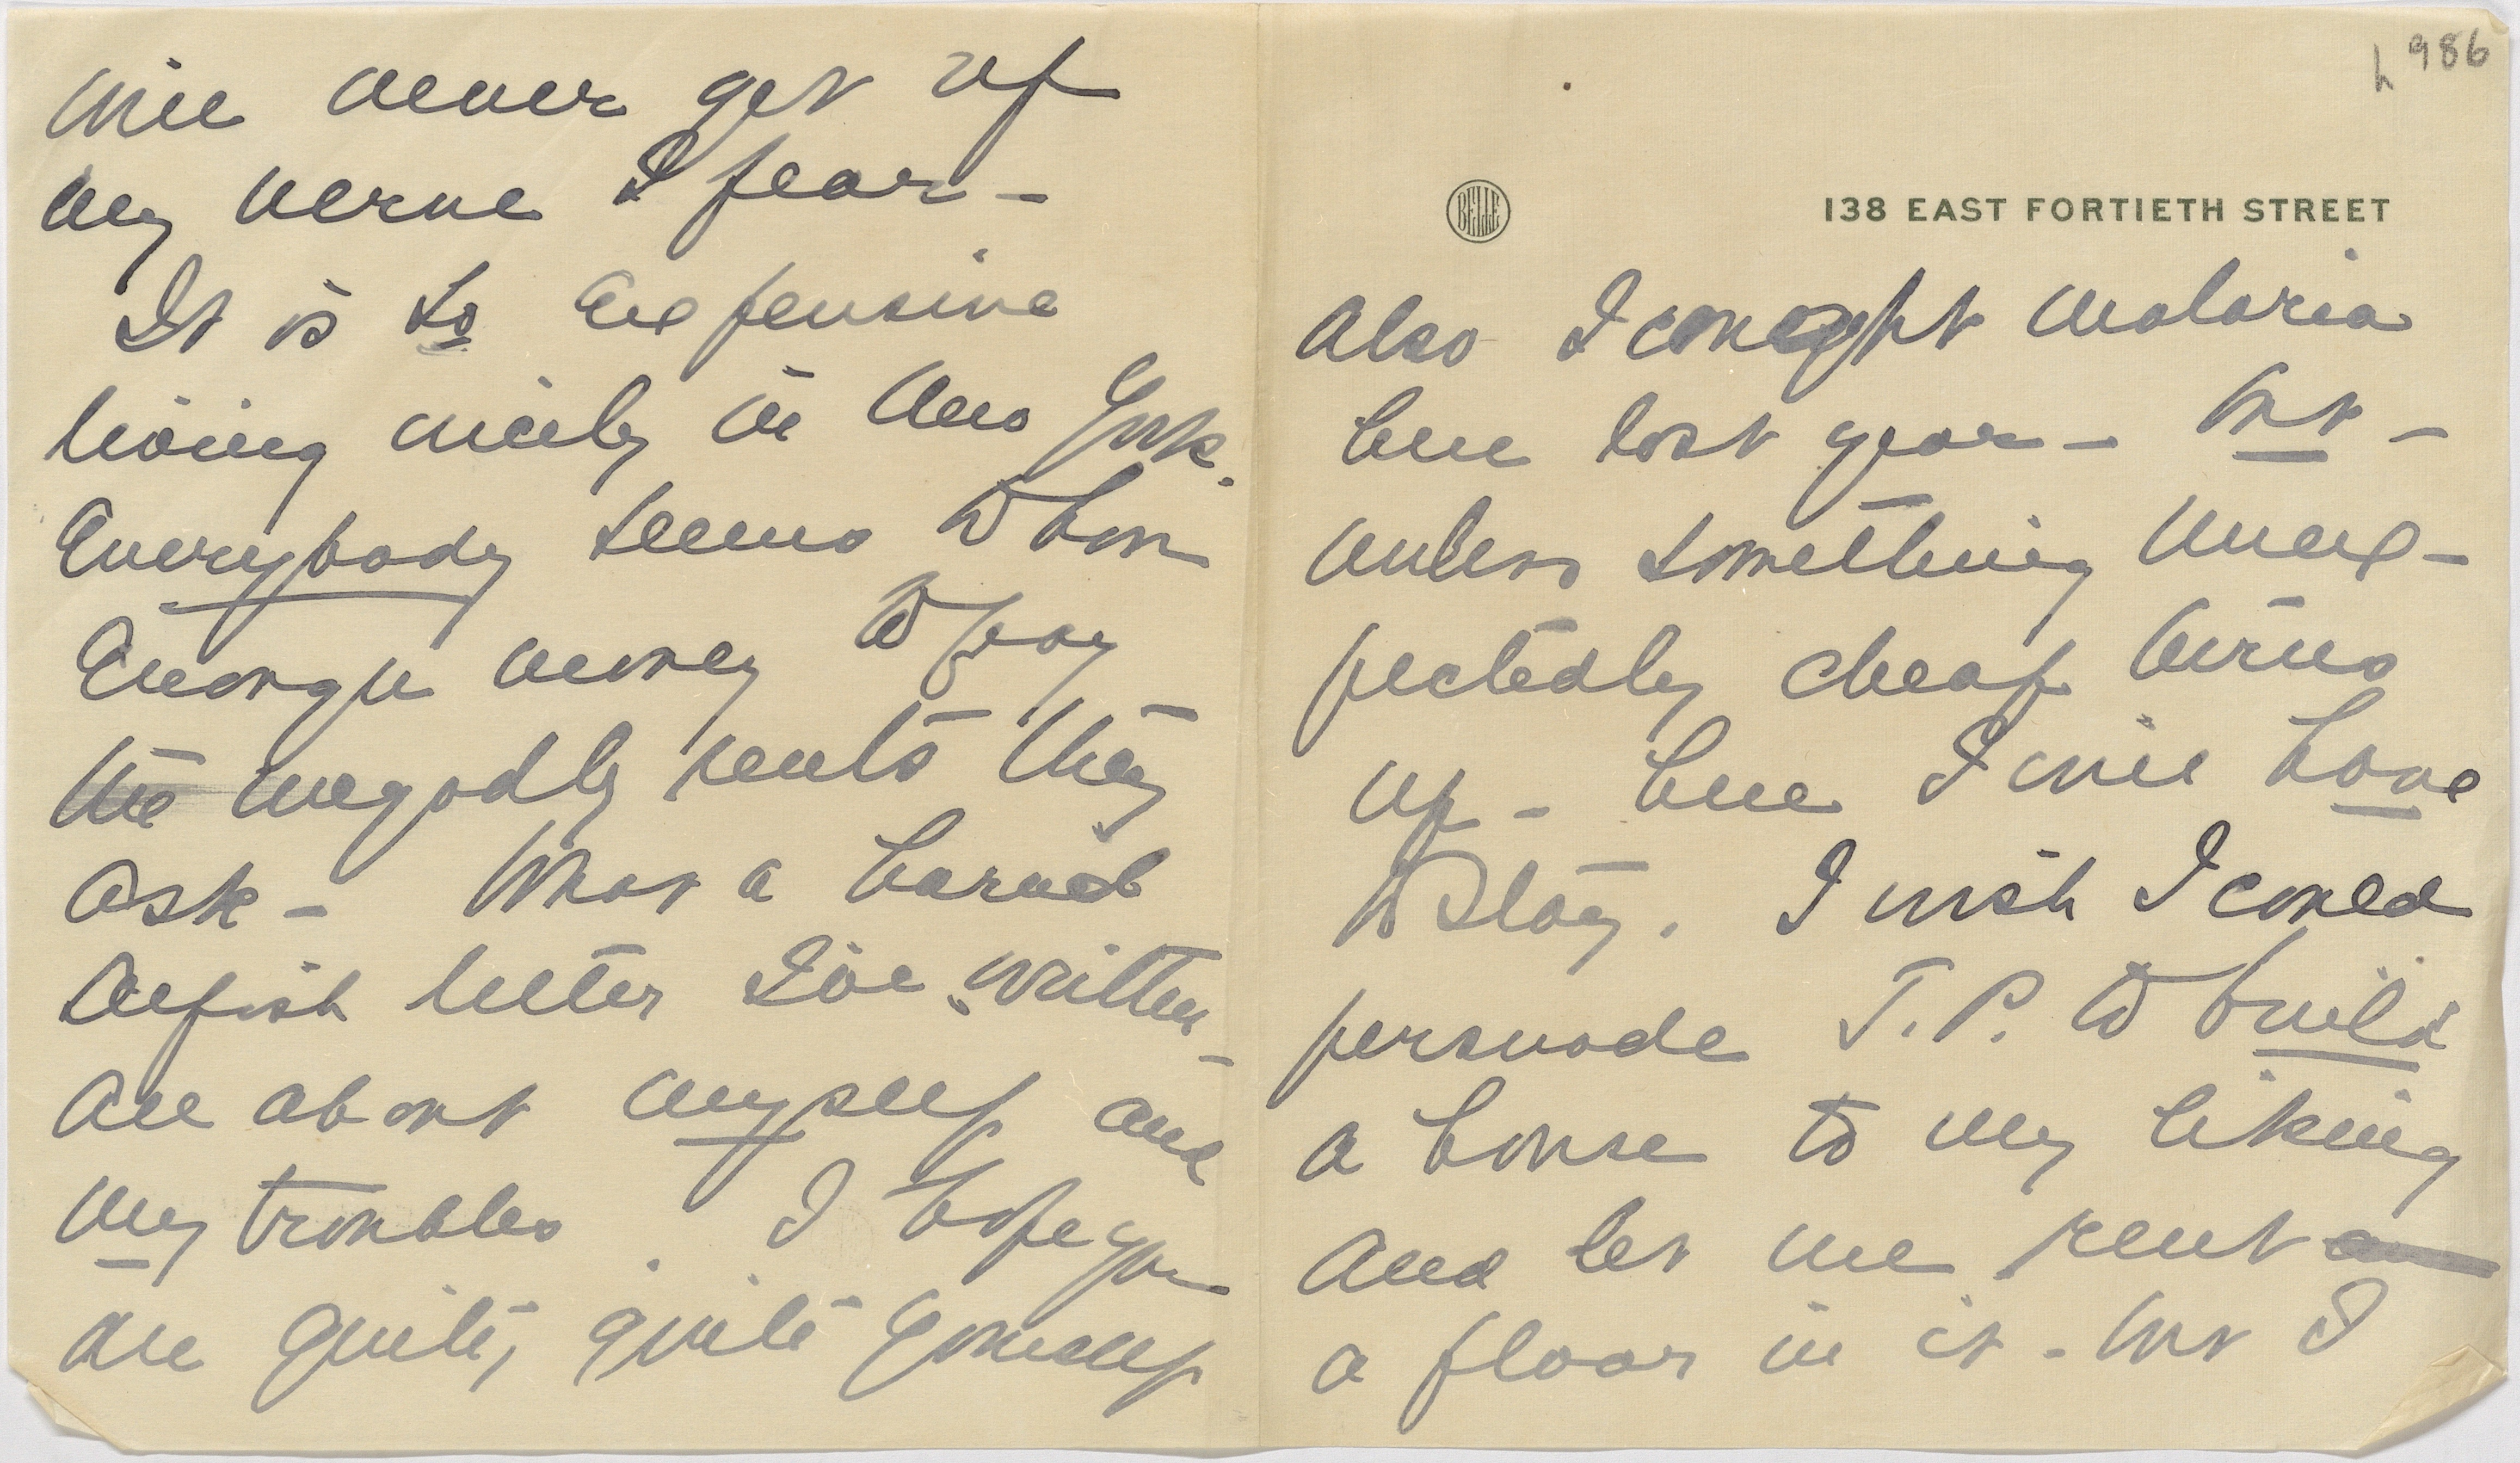also I caught malaria here last year – but – unless something unexpectedly cheap turns up – here I will have to stay. I wish I could persuade J. P. to build a house to my liking and let me rent a a floor in it – but I
will never get up my nerve I fear –
It is so expensive living nicely in New York. Everybody seems to have enough money to pay the ungodly rents they ask – What a horrid selfish letter I’ve written – all about myself and my troubles. I hope you are quite, quite yourself